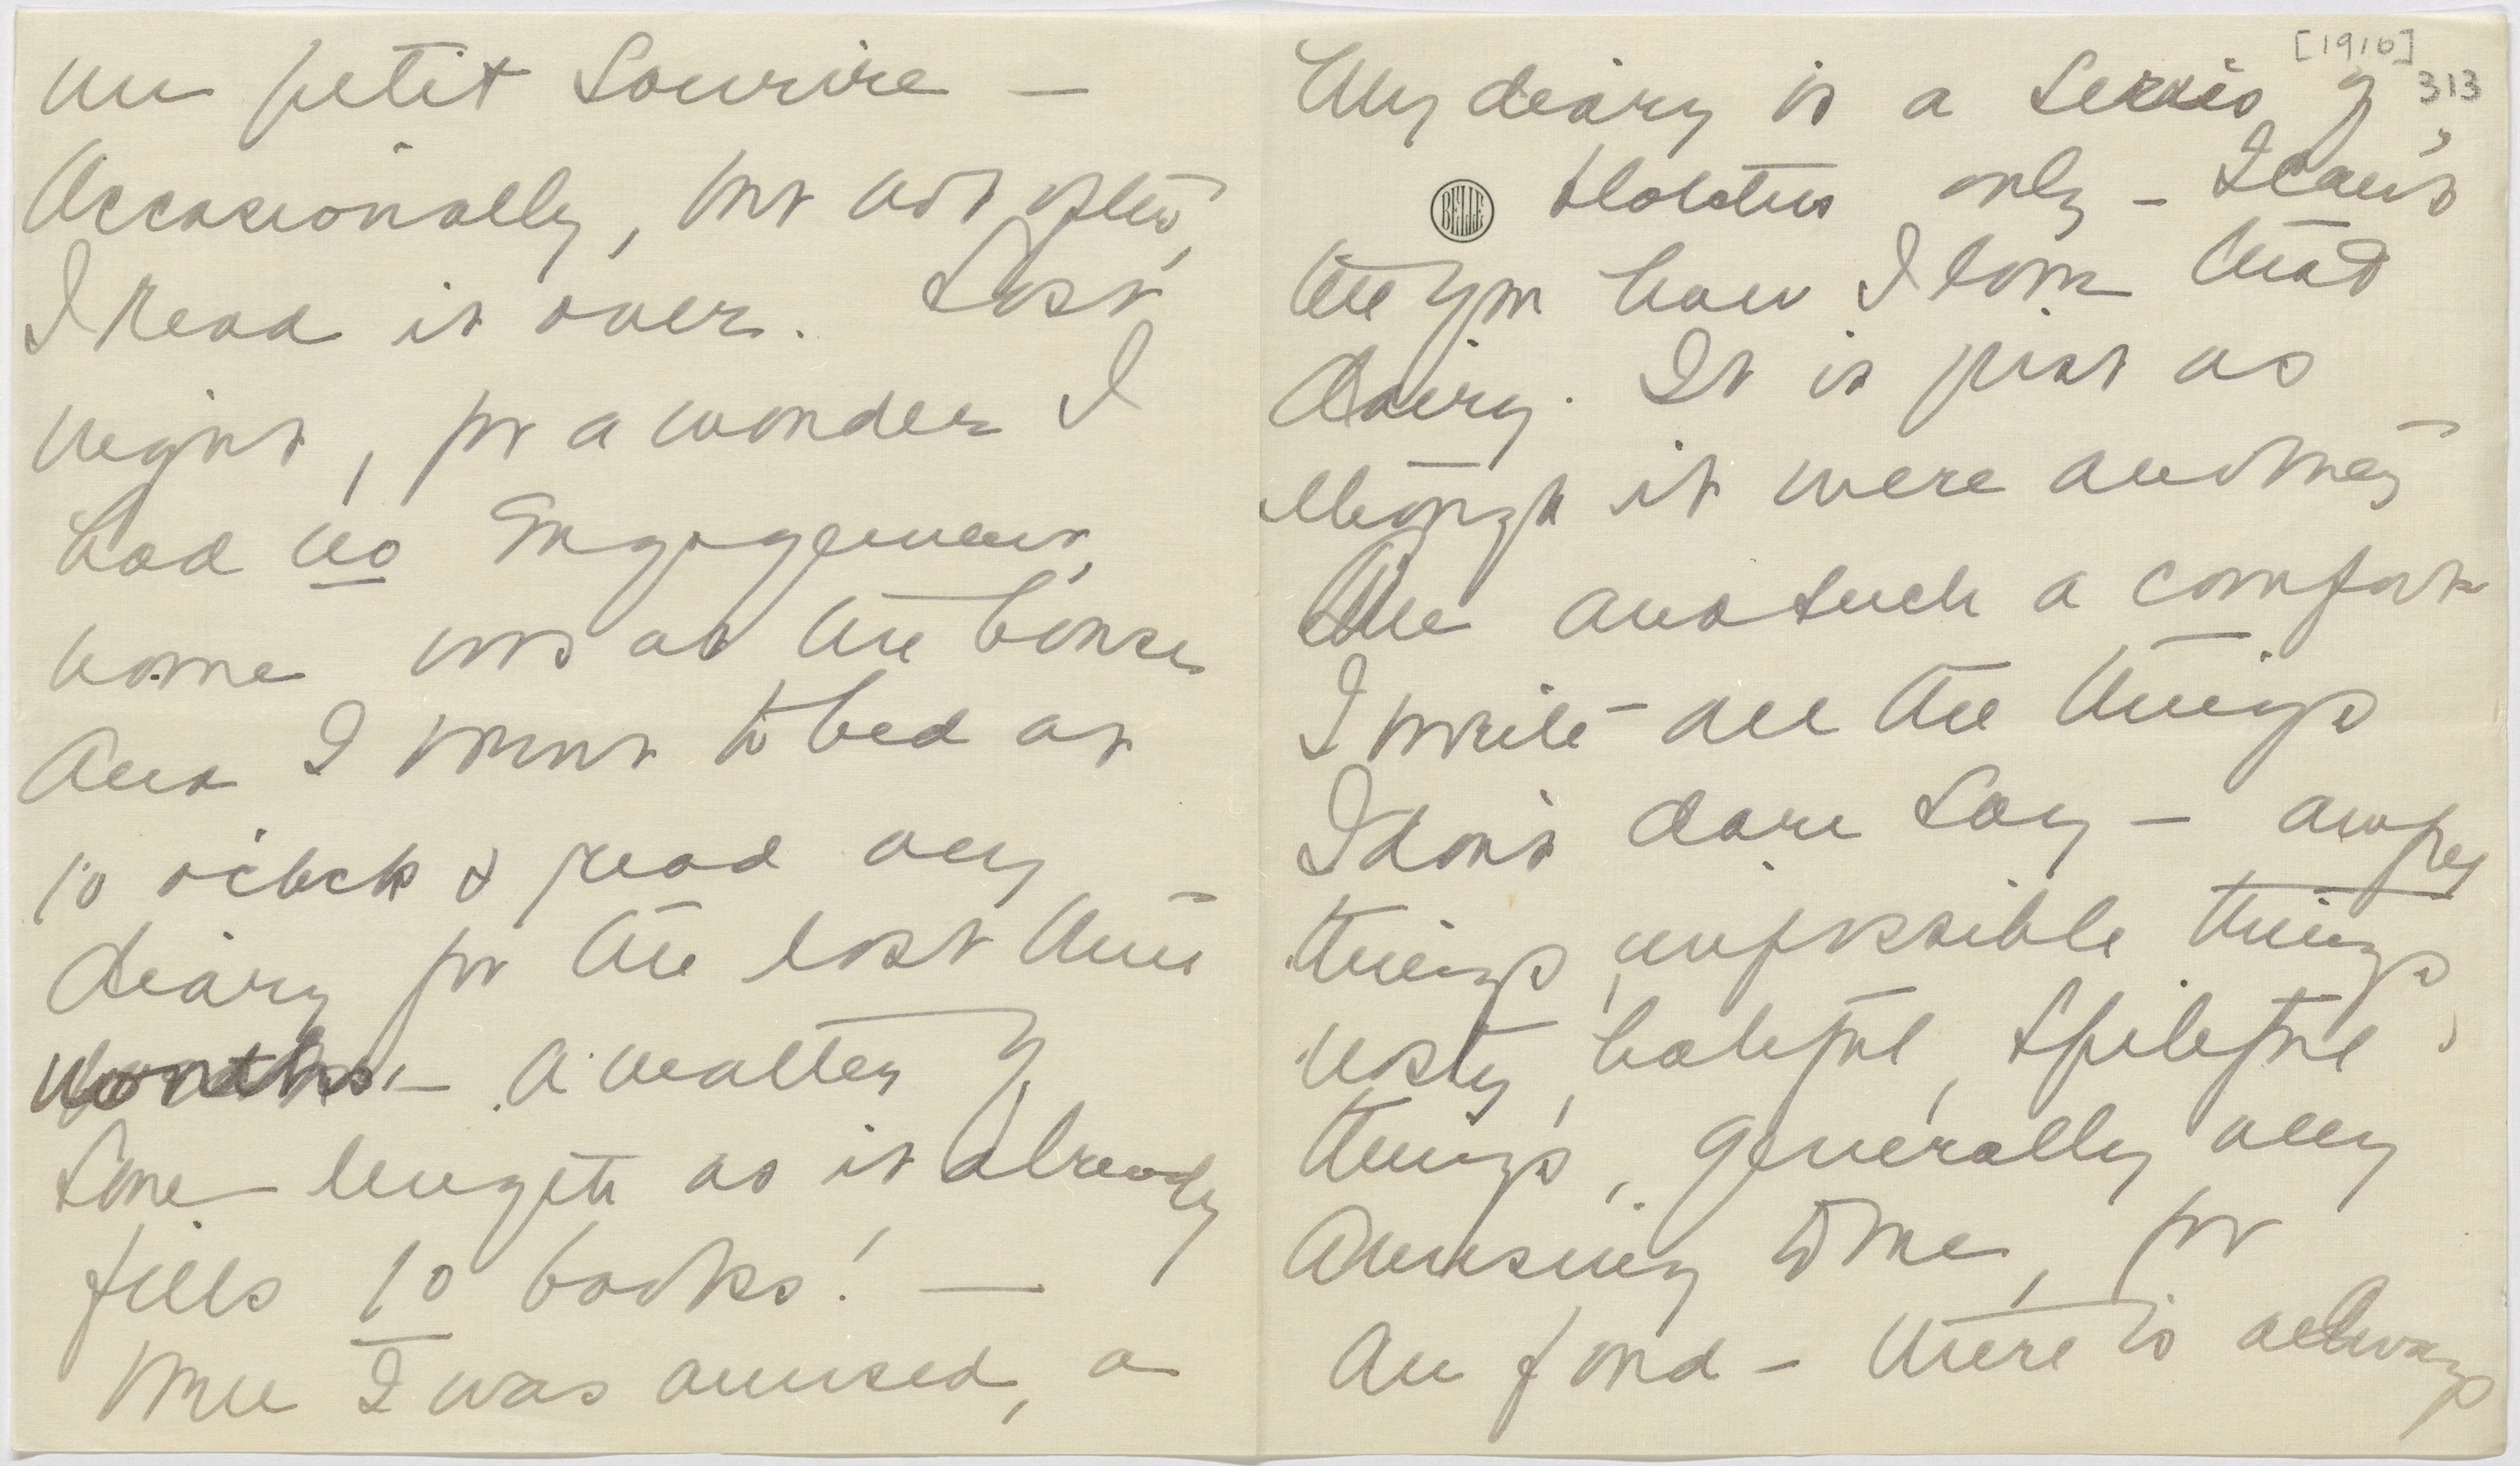My diary is a series of blotches only – I can’t tell you how I love that diary. It is just as though it were another Belle and such a comforter[.] I write all the things I don’t dare say – awful things, impossible things, nasty, hateful, spiteful things, generally very amusing to me, for au fond – there is always
un petit sourire –
Occasionally, but not often, I read it over. Last night, for a wonder I had no engagement, noone was at the house and I went to bed at 10 o’clock & read my diary for the last three months – a matter of some length as it already fills 10 books! – well I was amused, a